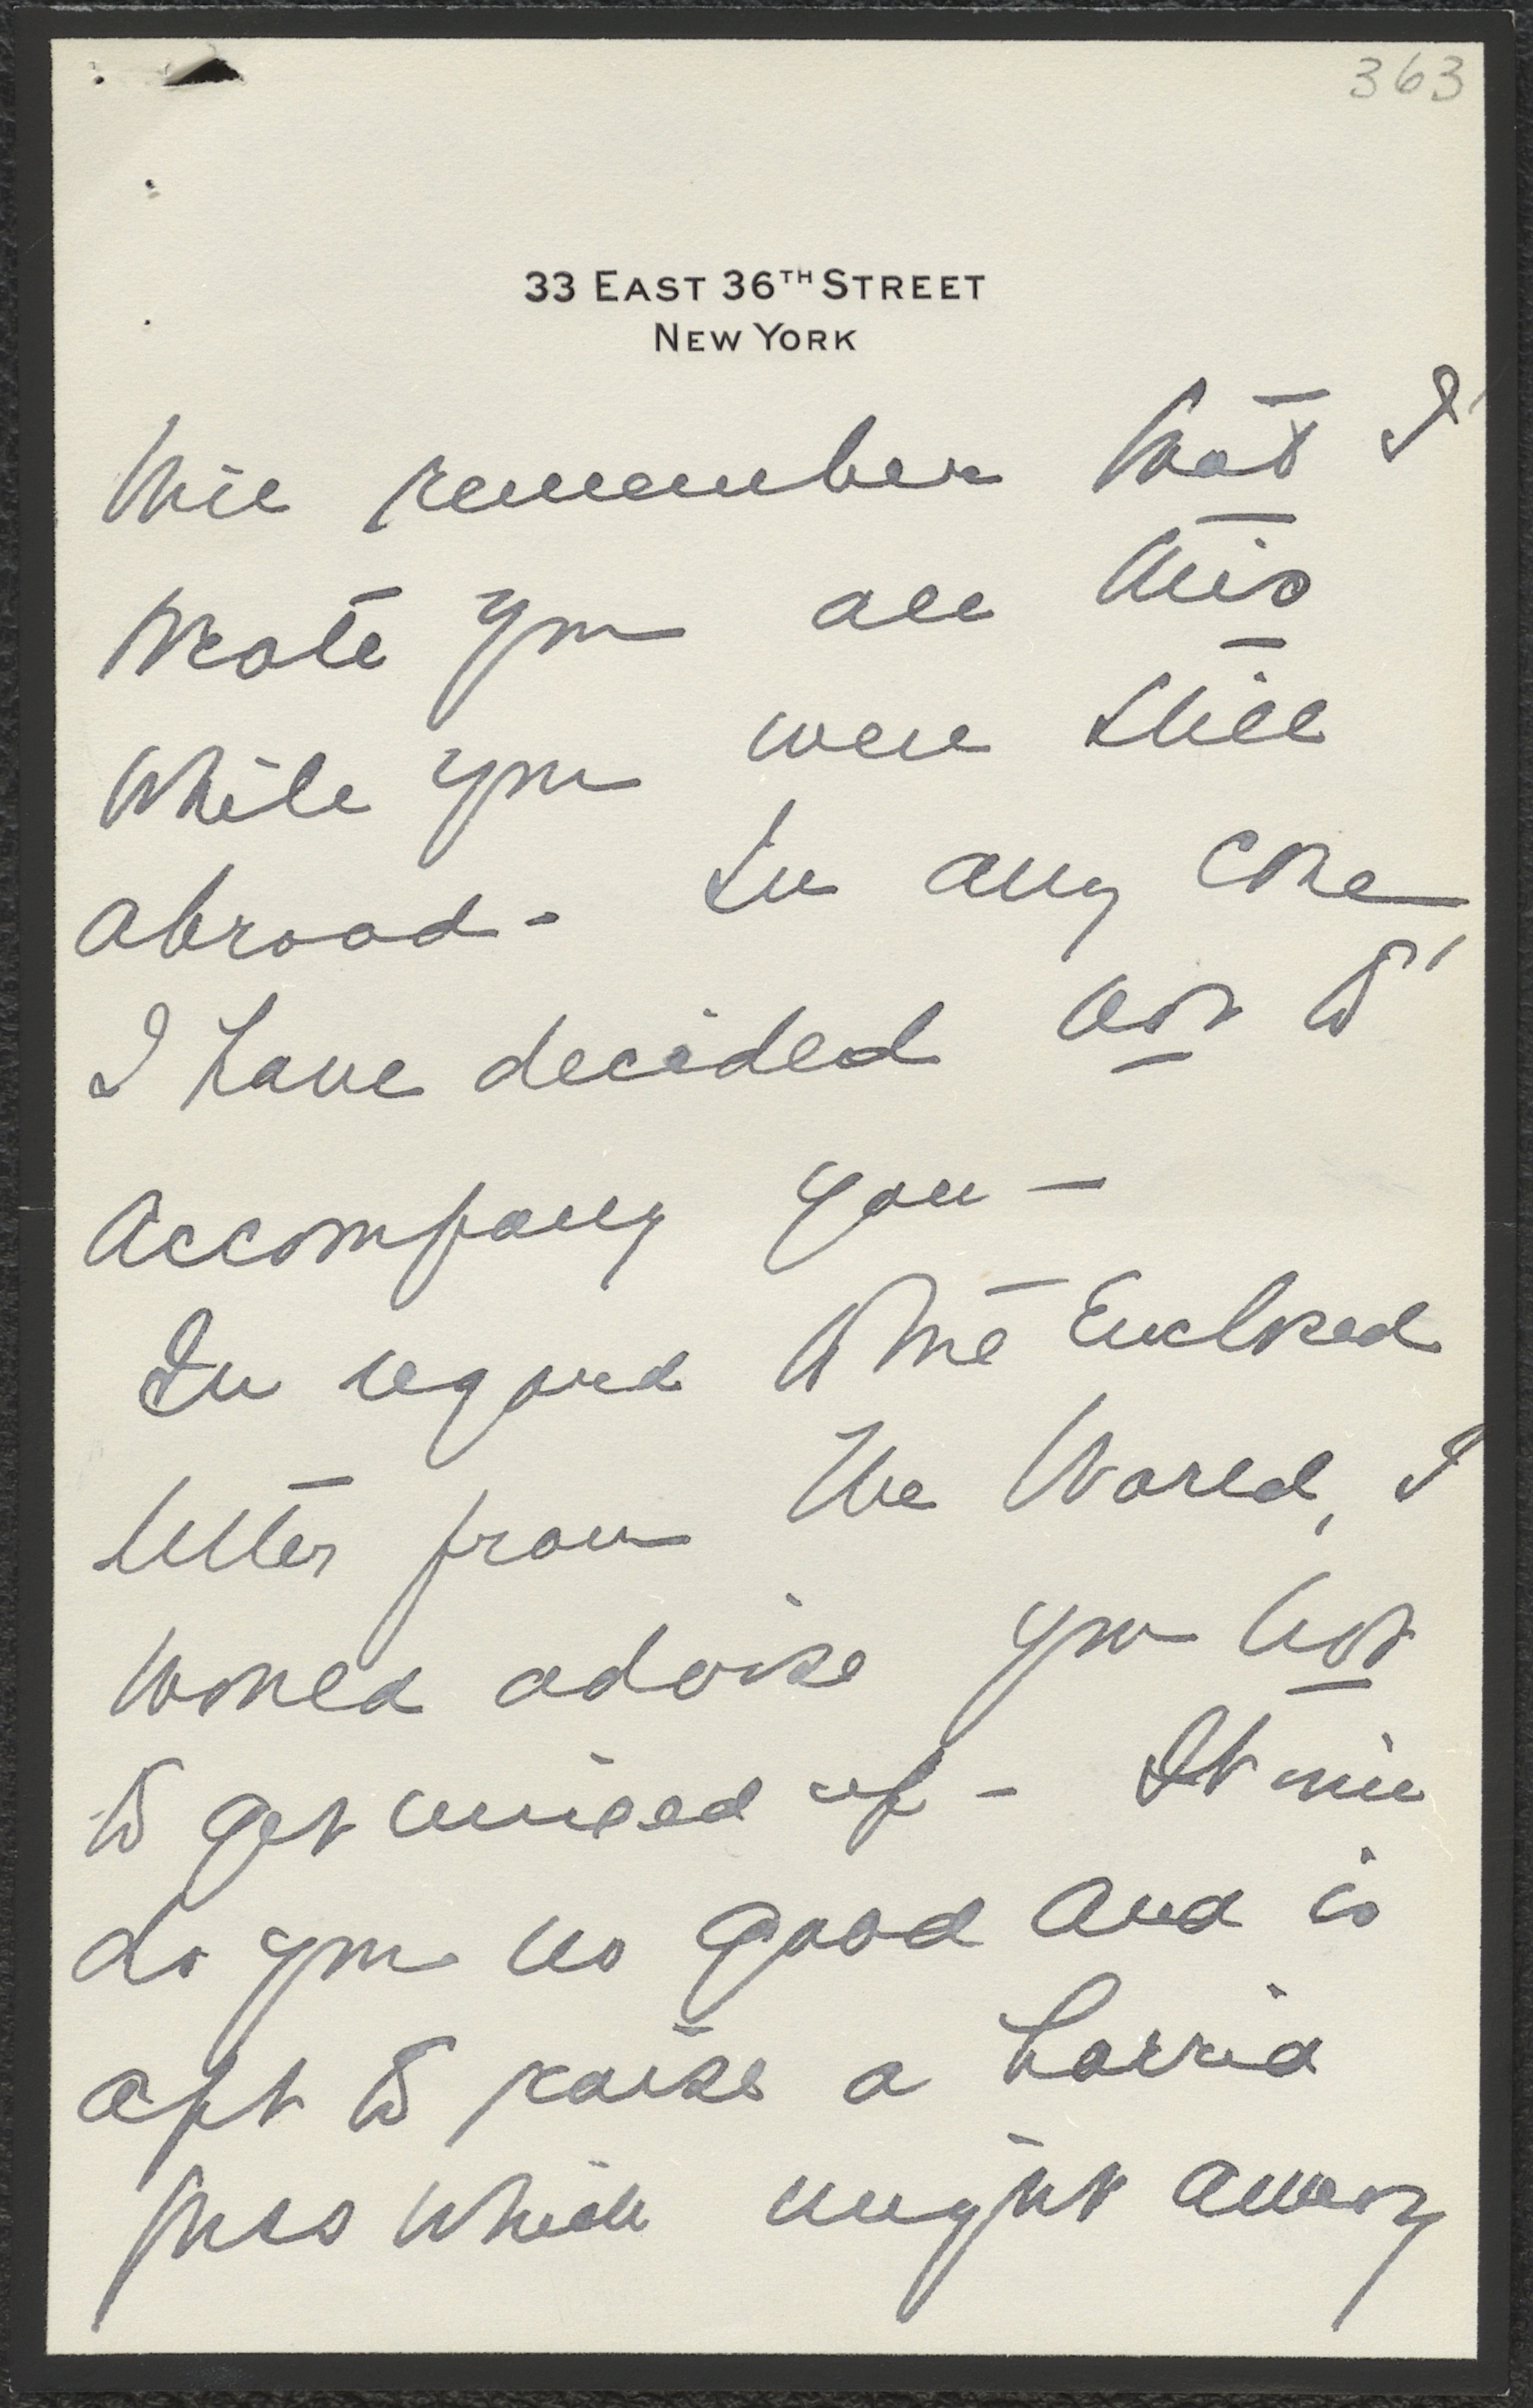will remember that I wrote you all this while you were still abroad – In any case, I have decided not to accompany you –
In regard to the enclosed letter from The World, I would advise you not to get mixed up – It will do you no good and is apt to raise a horrid fuss which might annoy